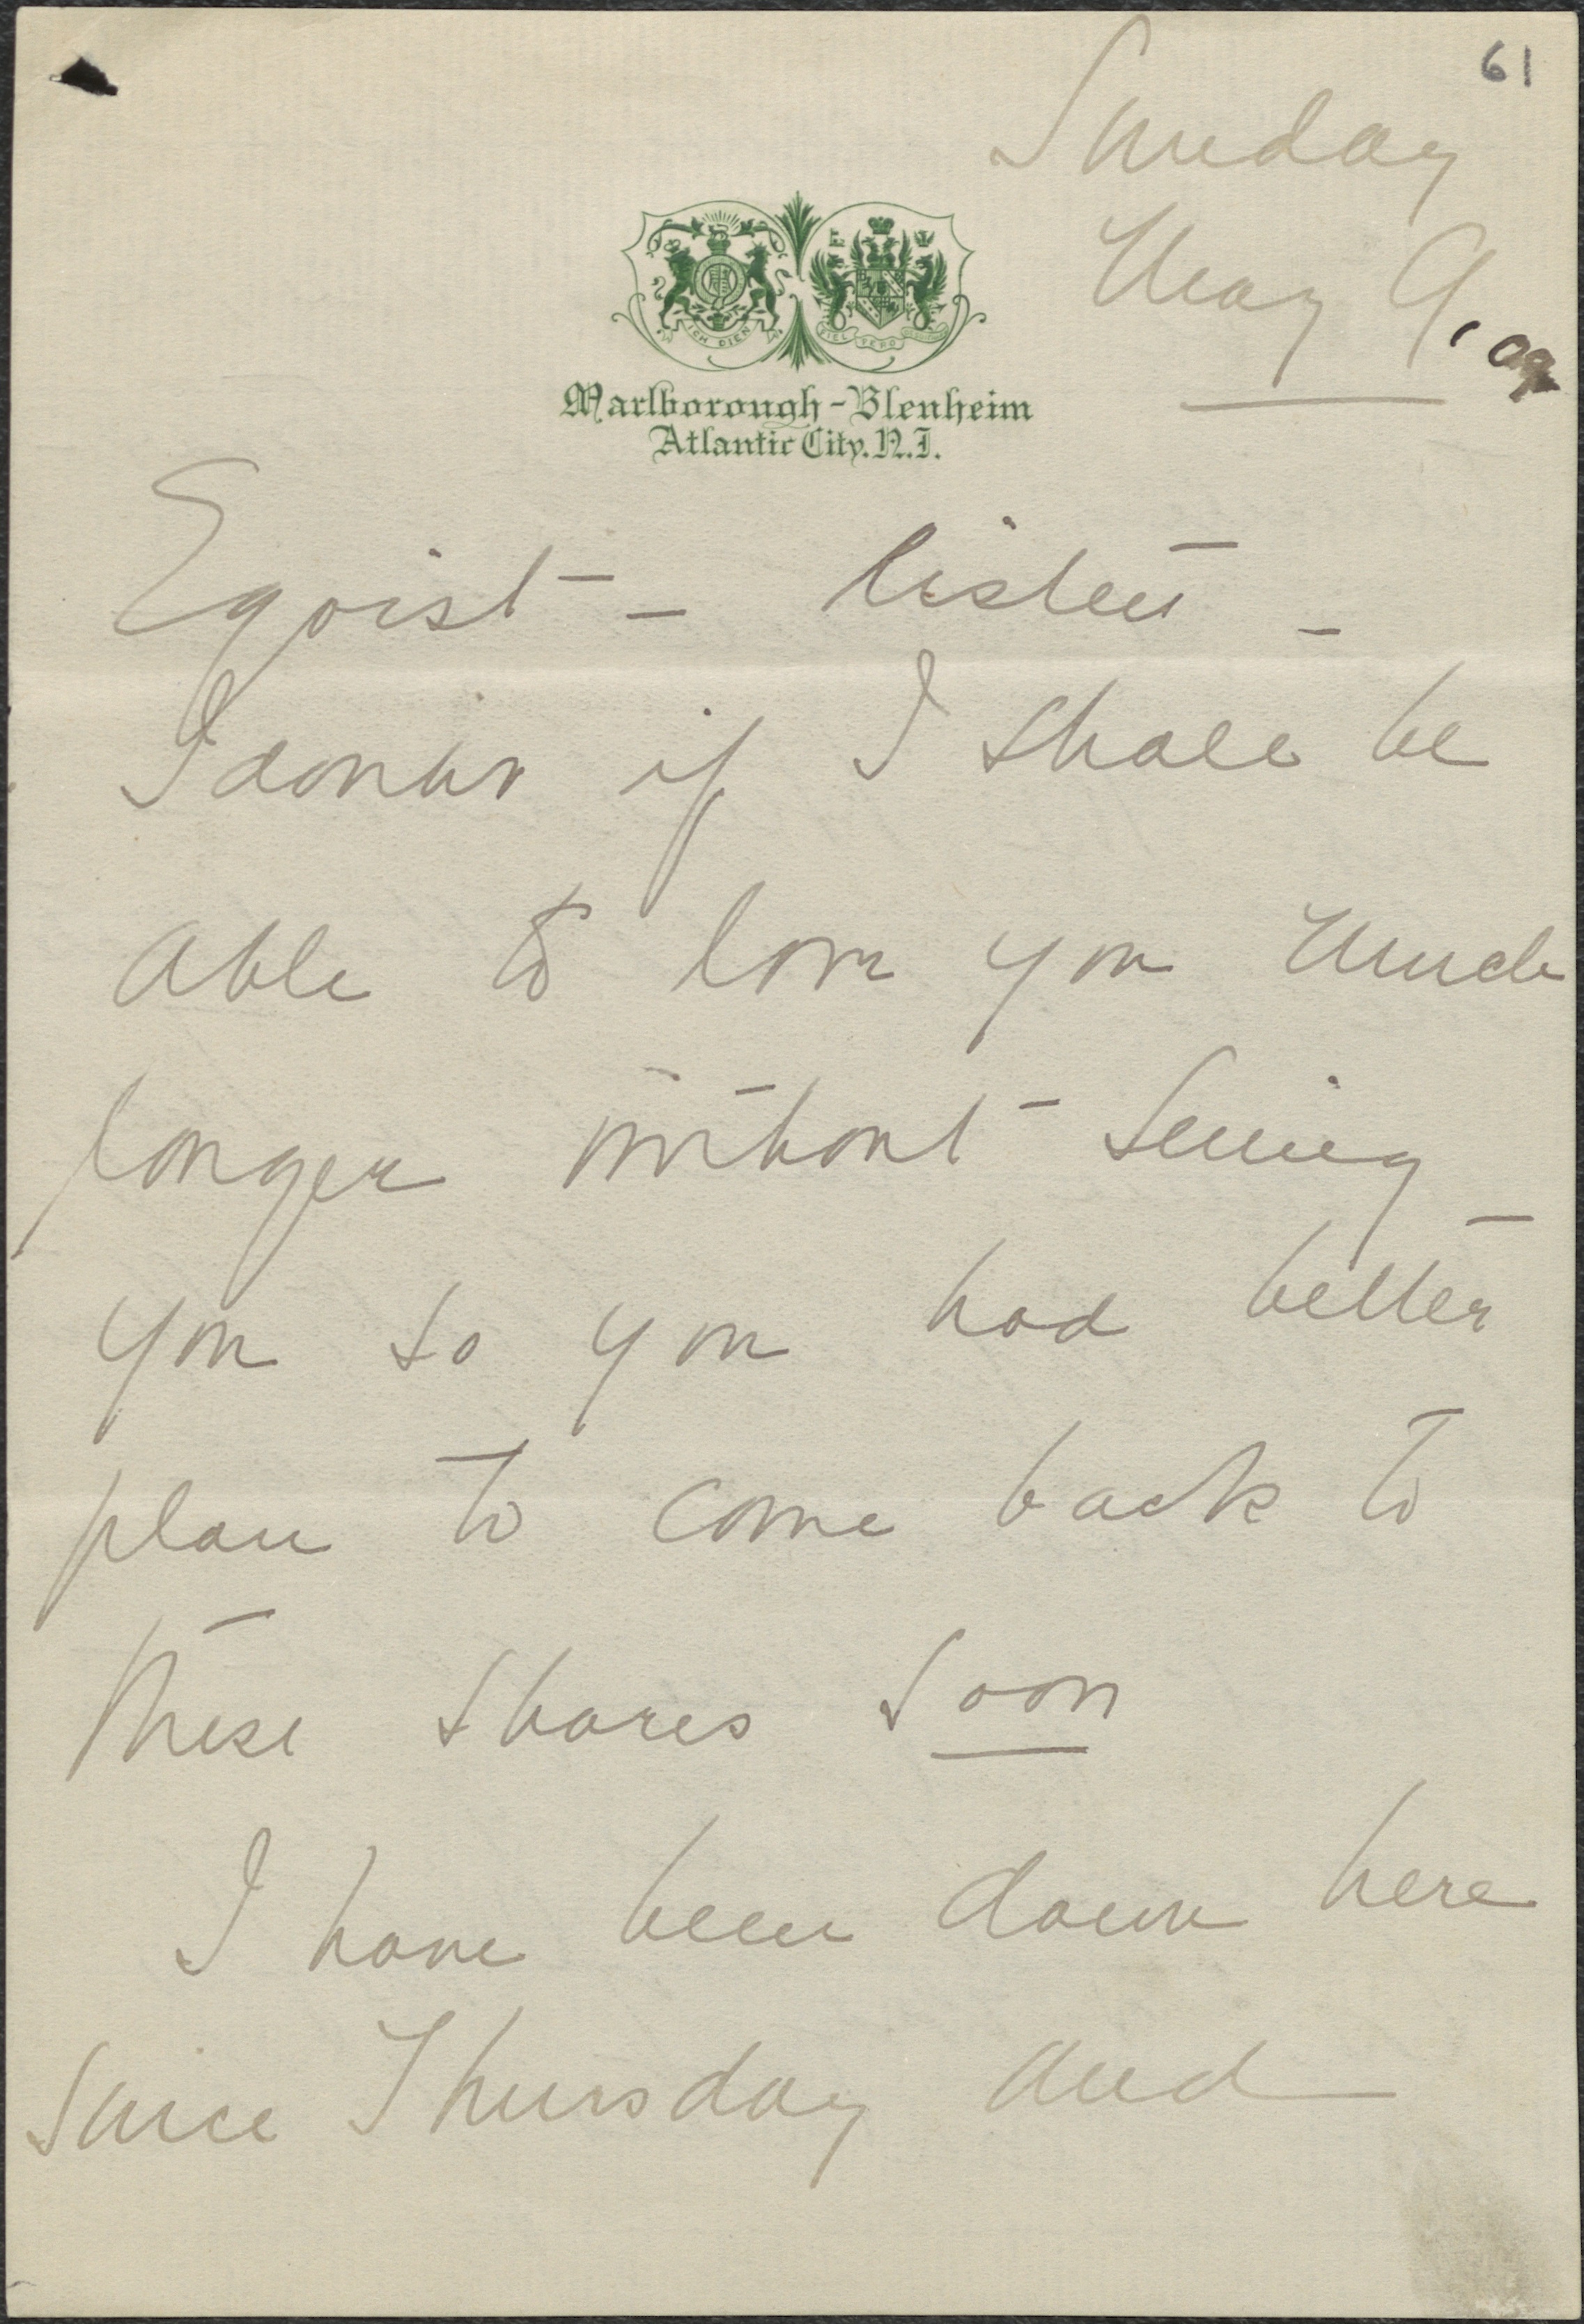Sunday
May 9
Egoist – listen –
I doubt if I shall be able to love you much longer without seeing you so you had better plan to come back to these shores soon
I have been down here since Thursday and